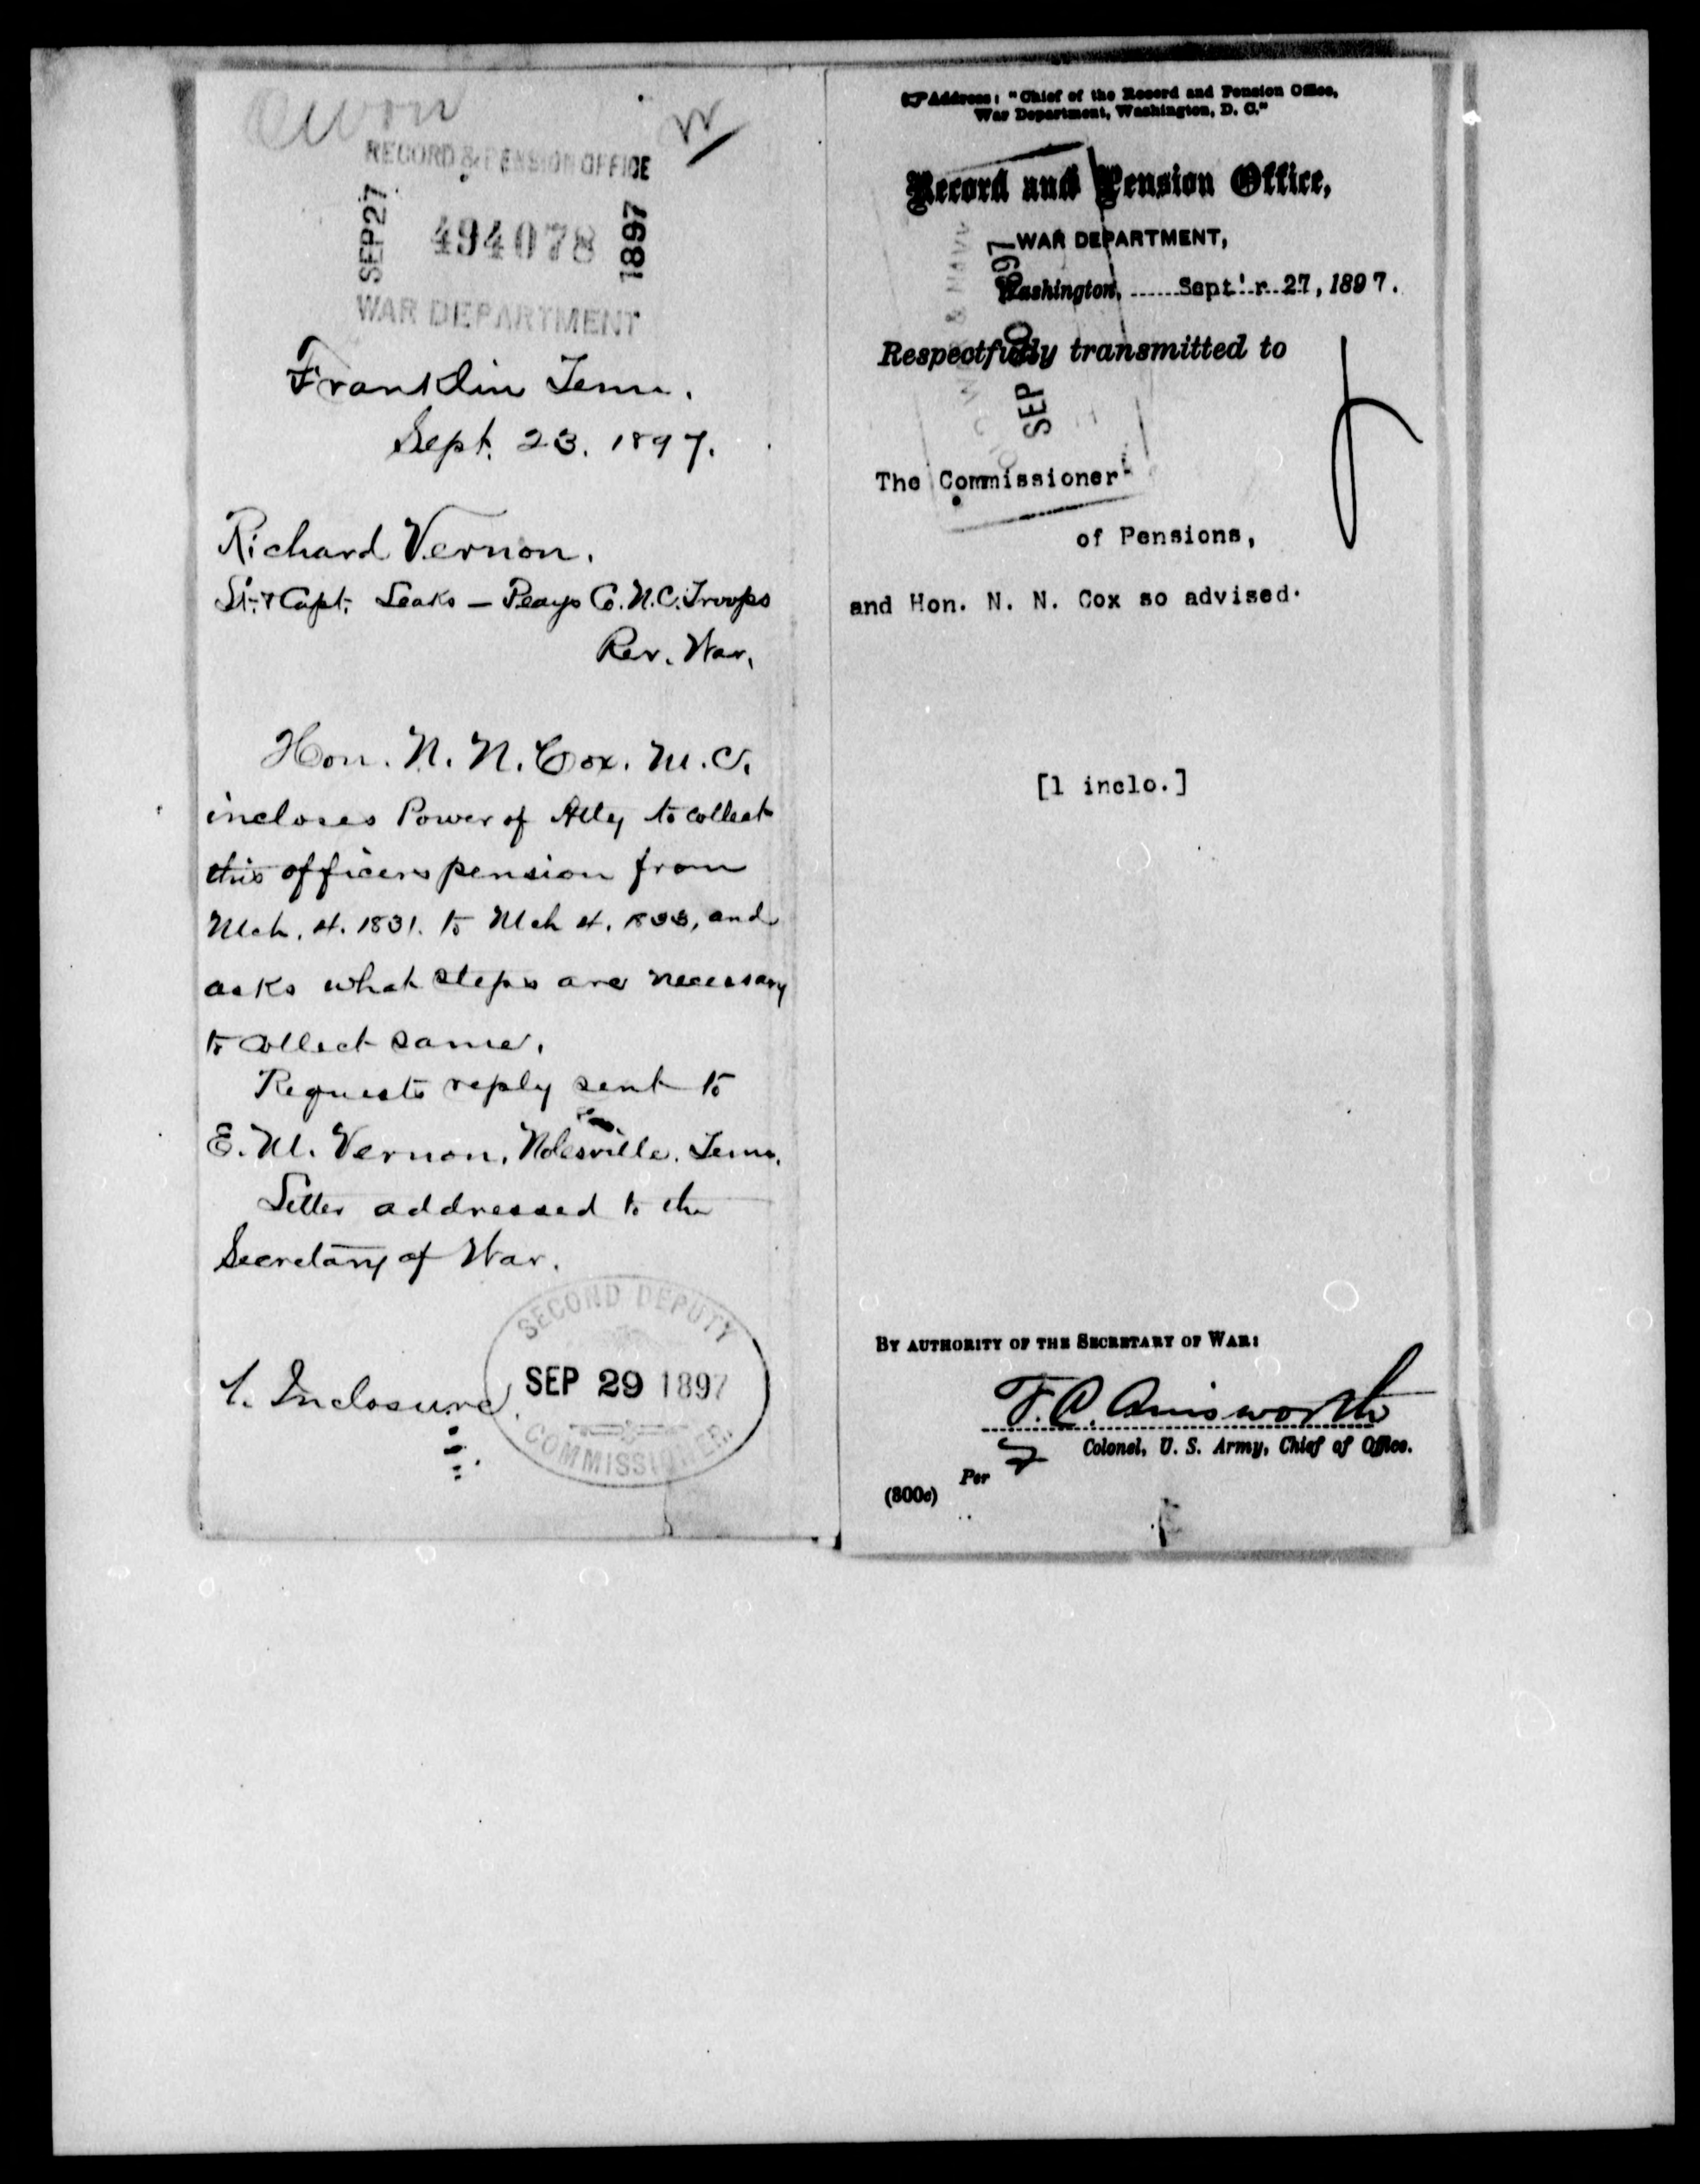RECORD & PENSION OFFICE
SEP 27 1897
494078
WAR DEPARTMENT

Franklin Tenn.
Sept. 23, 1897

Richard Vernon.
Lt. & Capt. Leaks _ Peays Co. N. C. Troops
Rev. War.

Hon. N. N. Cox. N. C.
incloses Power of Atty to collect this officers pension from Mch. 4. 1831. To Mch 4. 1833, and asks what steps are necessary to collect same.
Requests reply sent to E. M.. Vernon, Nolensville, Tenns. 
Letter addressed to the Secretary of War.
1. Inclousure

[stamped] SECOND DEPUTY COMMISSIONER SEP 29 1897

Record and Pension Office, WAR DEPARTMENT
Washington, Sept’r. 27, 1897.

Respectfully transmitted to 
The Commissioner of Pensions, and Hon. N. N. Cox so advised.

1 inclo.

[stamped] OLD WAR & NAVY SEP 30 1897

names: N N Cox, Peays, N N Cox, F P Ainsworth, Leaks, E M Vernon, Richard Vernon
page: 76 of 105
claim: survivor's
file: S. 1883, Richard Vernon, N.C.